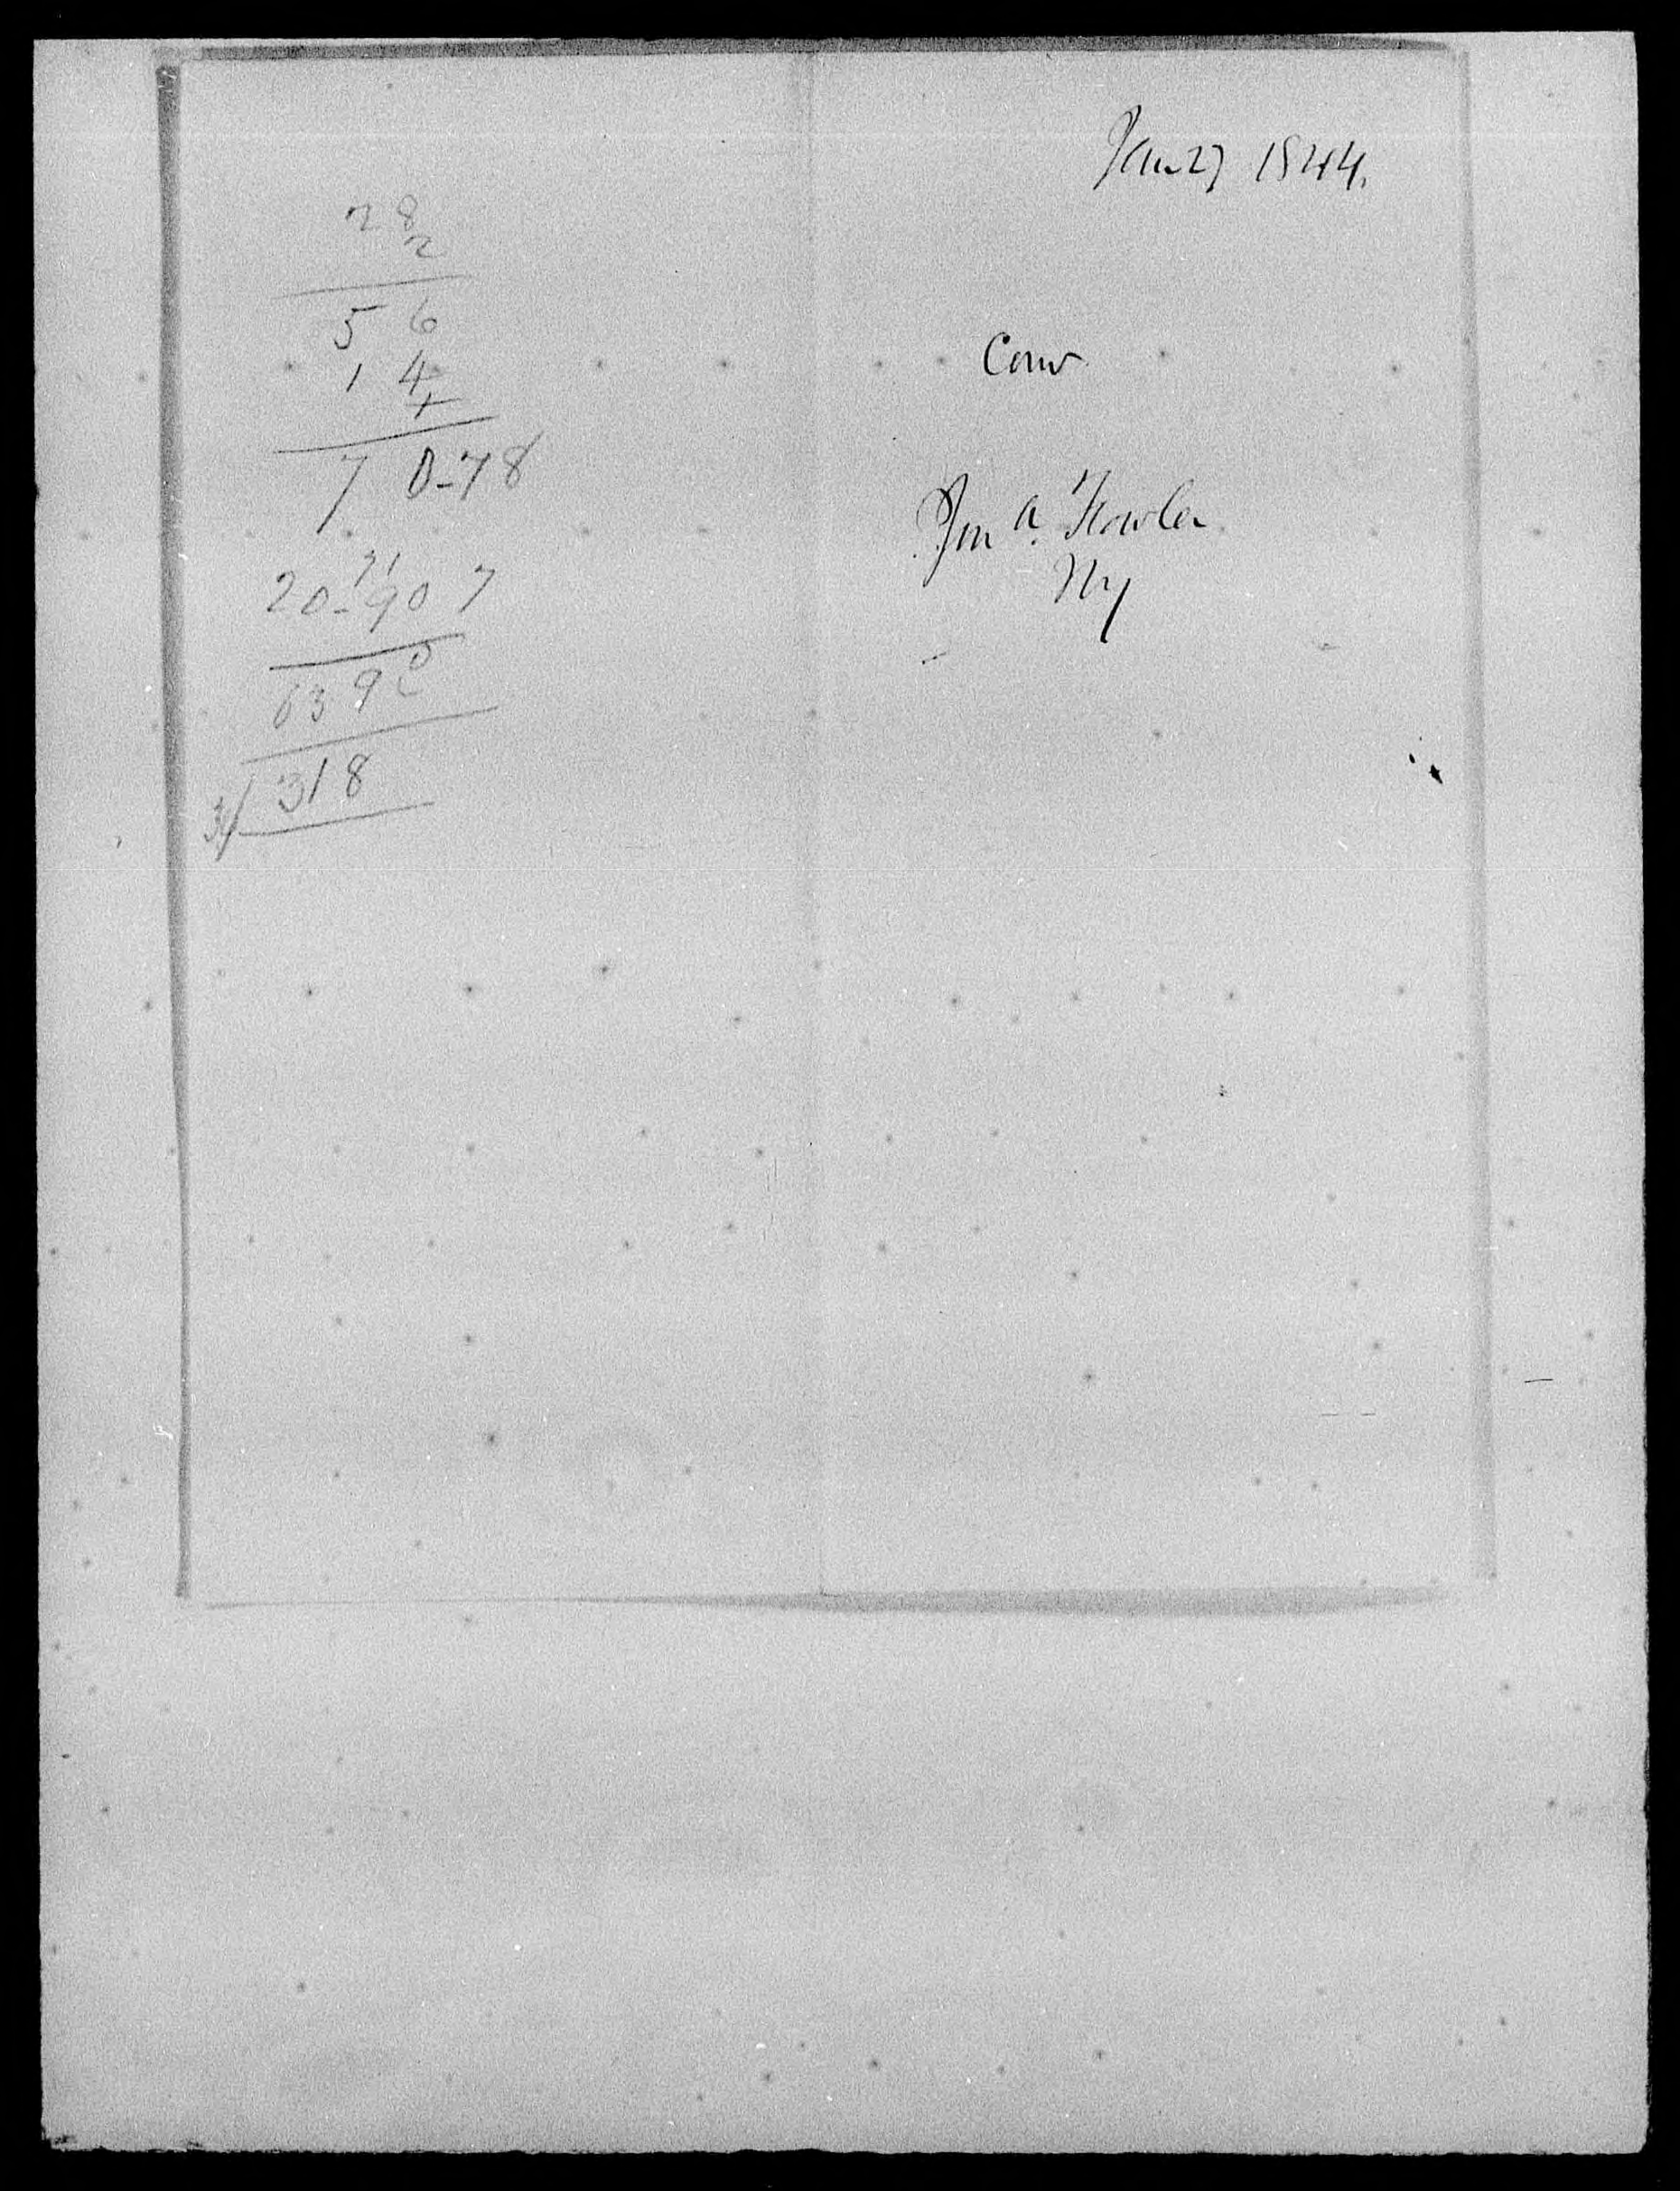Jan 27 1844
Conv.
Jon A. Fowler
NY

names: Jona Fowler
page: 24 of 44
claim: survivor's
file: S. 23639, Jonathan Fowler, New York